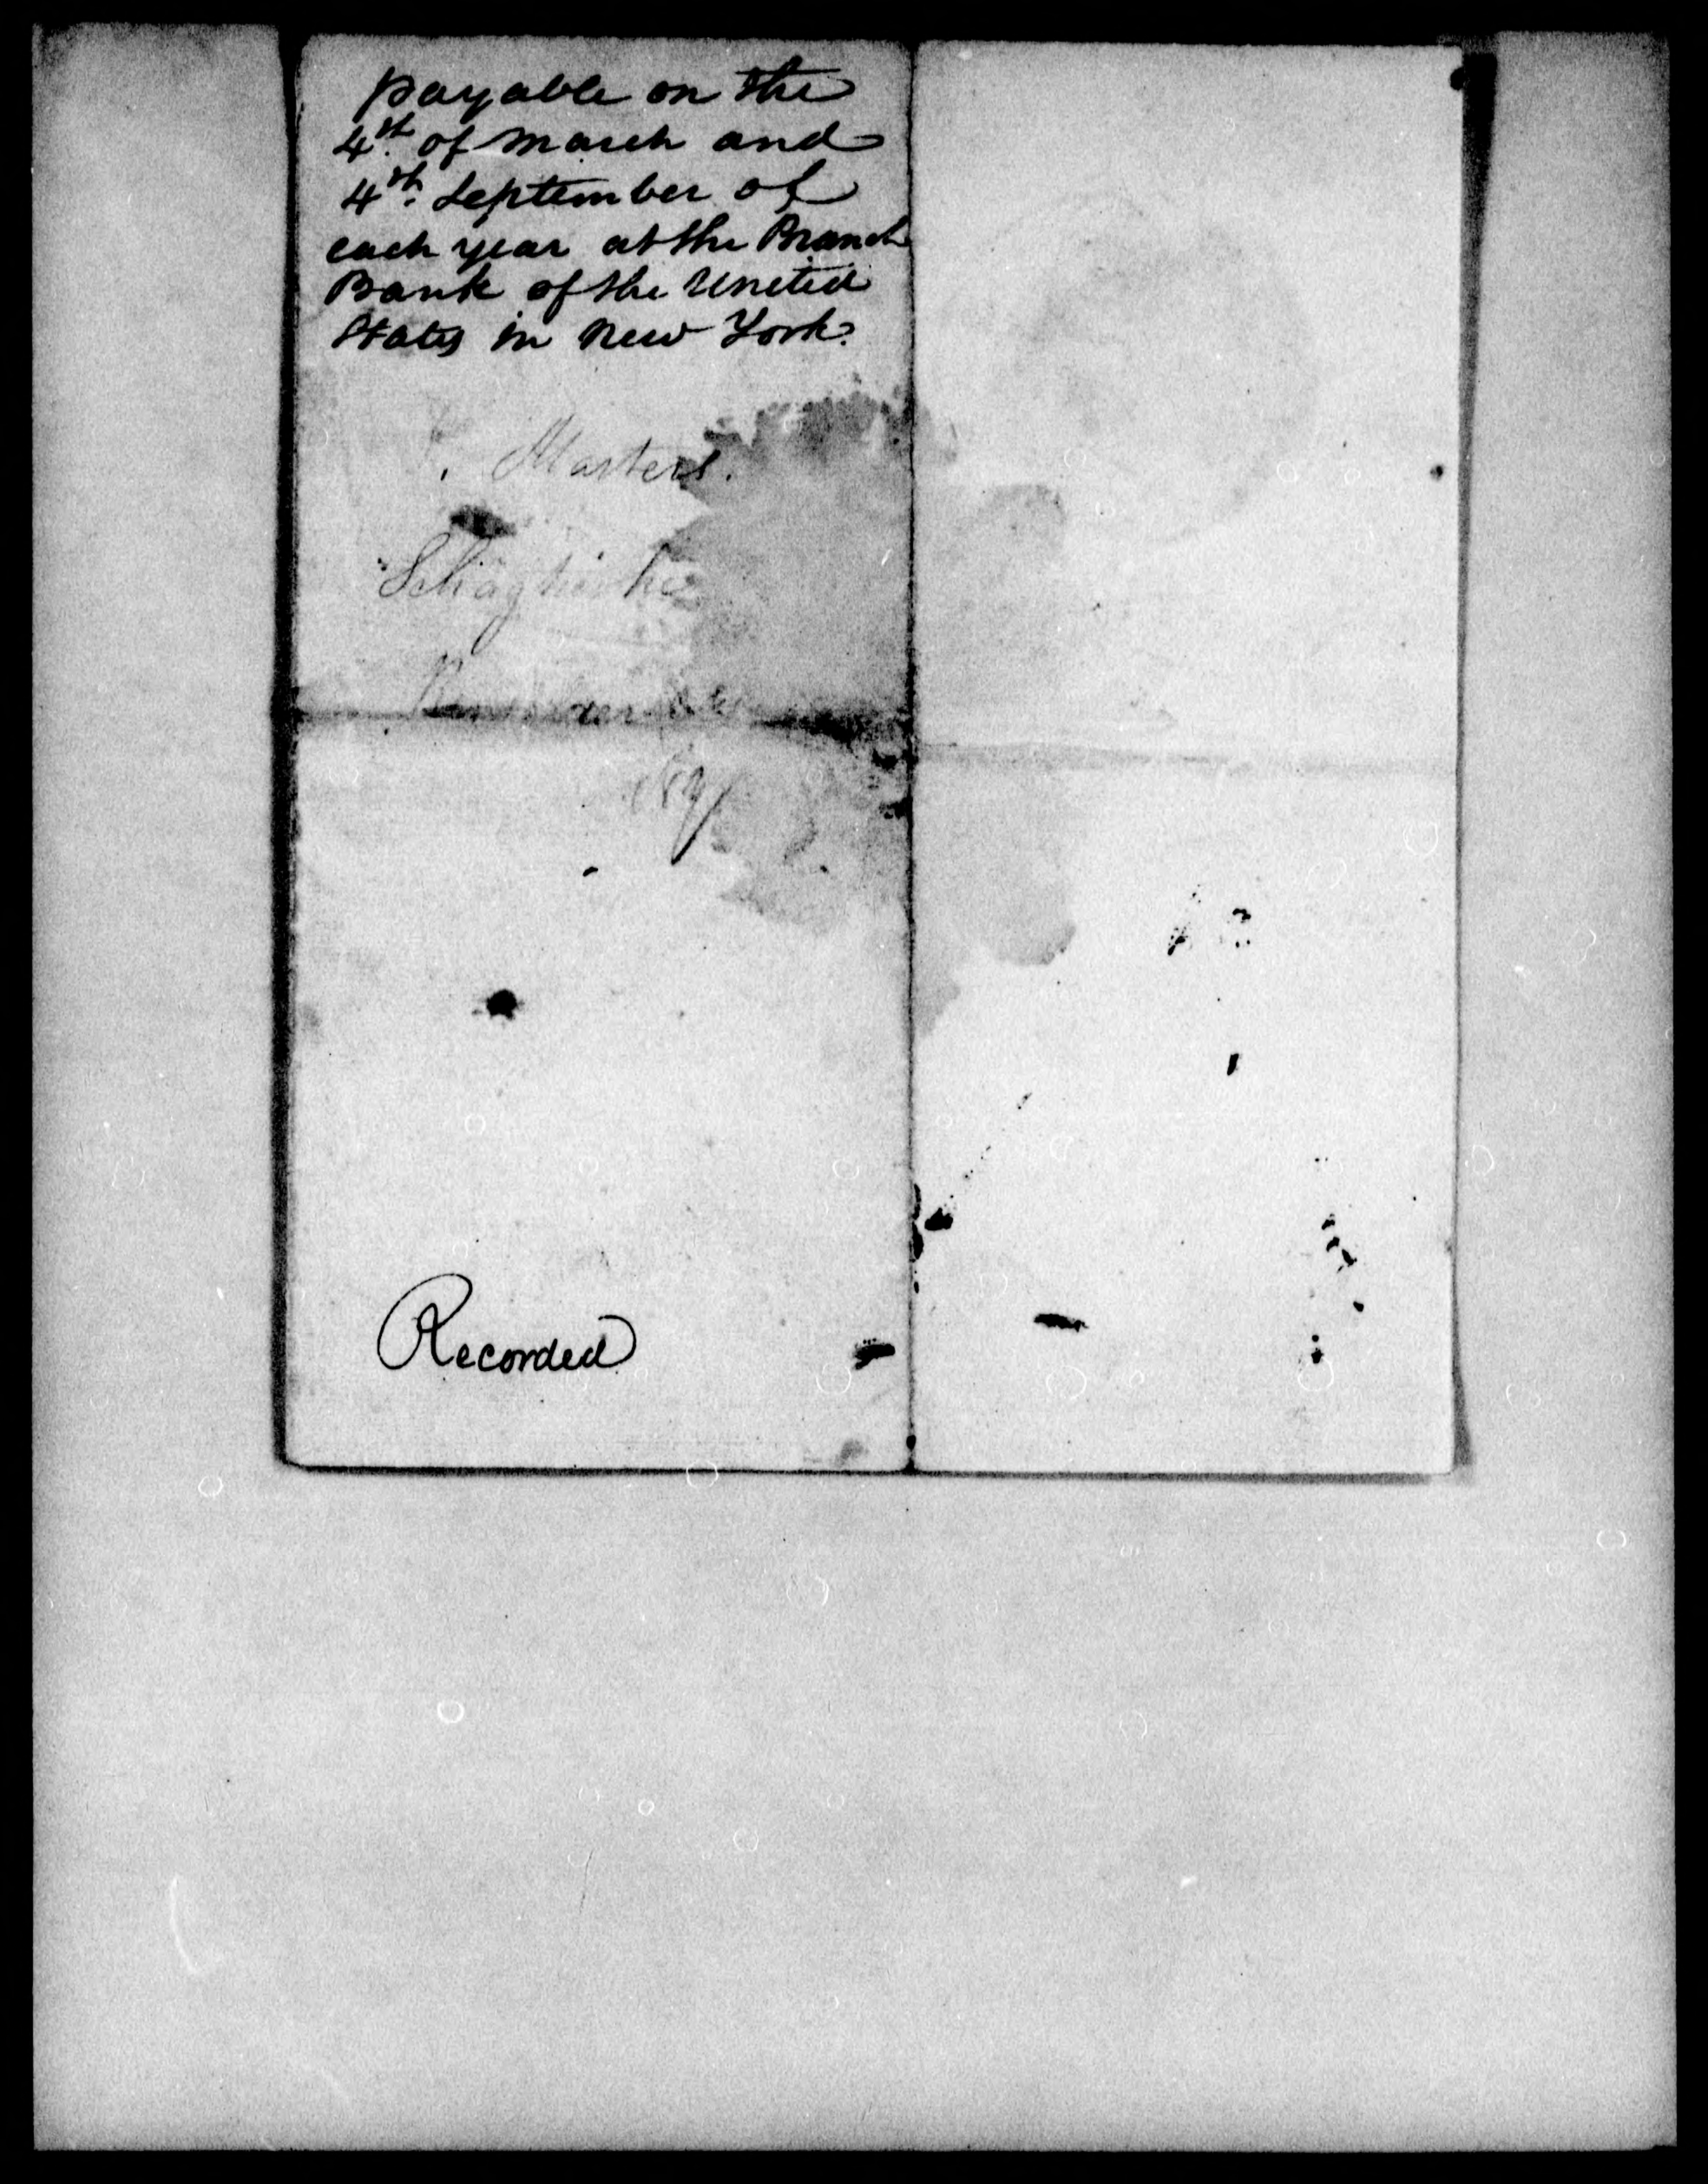payable on the 4th of March and 4th September of each year at the Branch Bank of the United States in New York. 

Masters
Schaghticoke
Rensselaer County
N.Y.


Recorded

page: 34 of 102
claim: widow's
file: W. 18239, Isaac Van Wart, New York